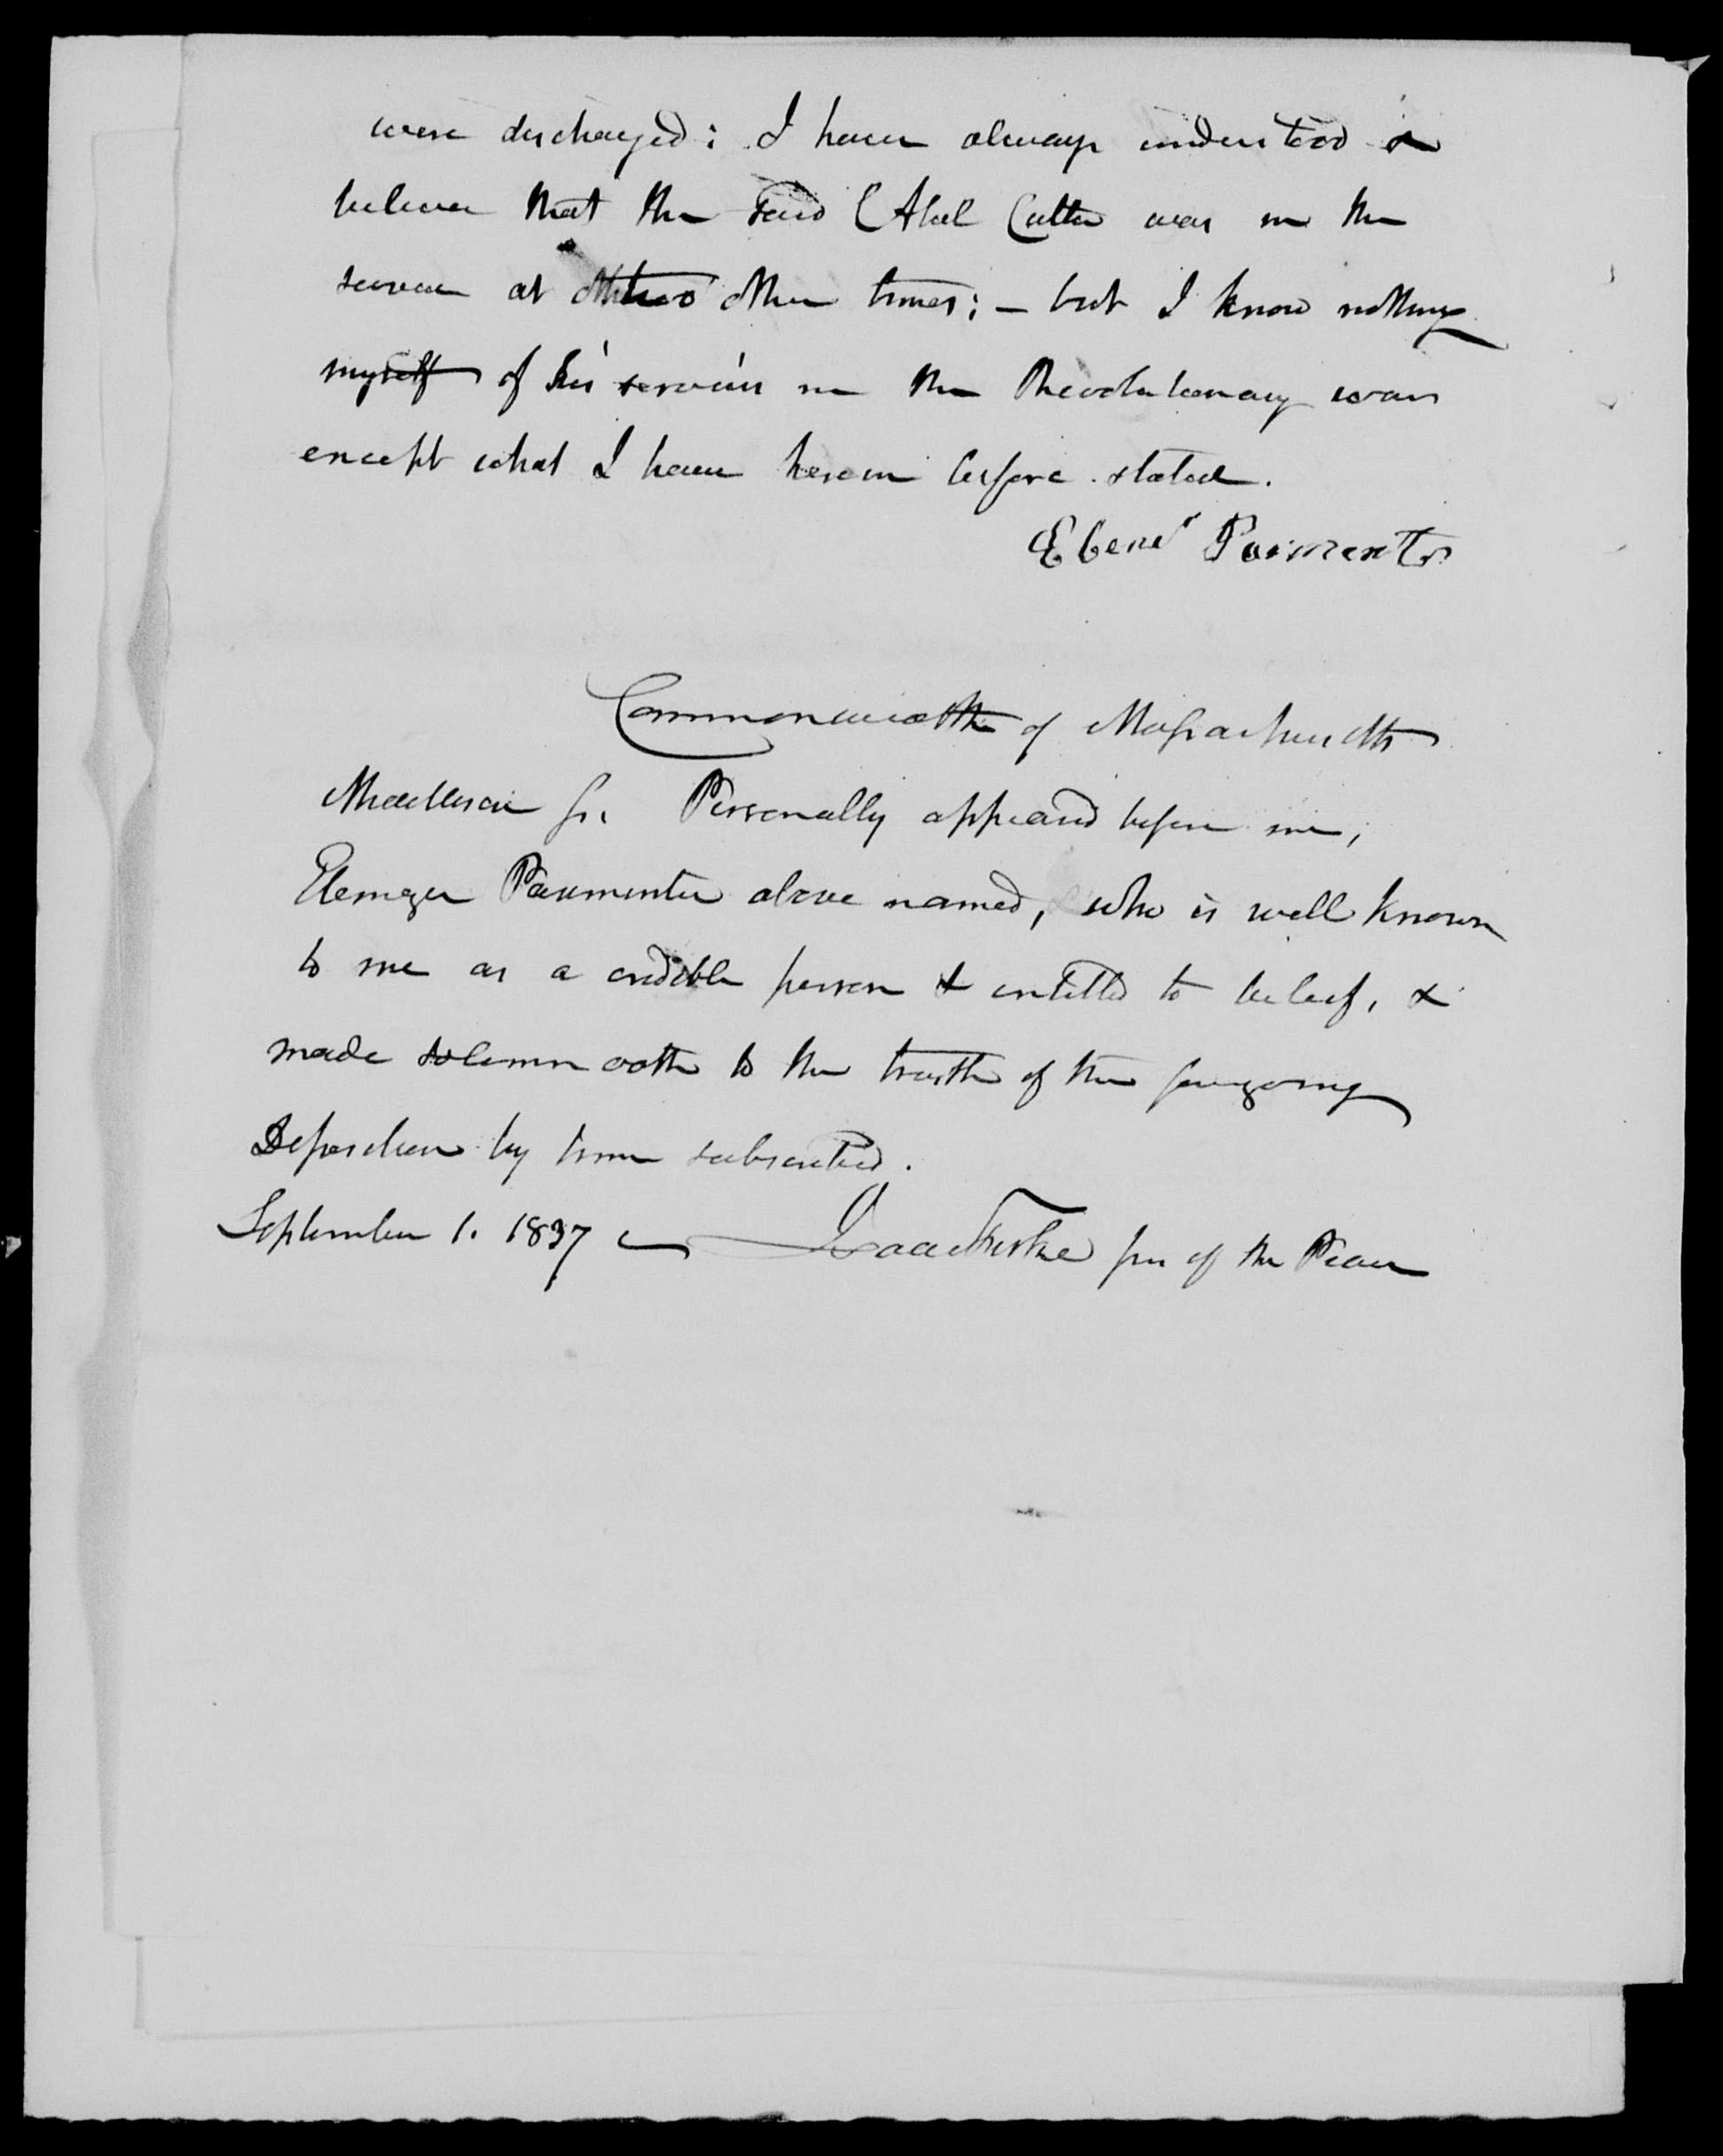were discharged: I have always understood and believe that the said Abel Cutler was in the service at Minute Men times: but I know nothing myself of his service in the Revolutionary war except what I have herein before stated. Ebenezer Parmenter
Commonwealth of Massachusetts
Middlesex: Personally appeared before me, Ebenezer Parmenter above named, who is well known to me as a credible person and entitled to belief and made solemn oath to the truth of his foregoing depositiion by him subscribed.
September 1, 1837
Isaac Fiske Jus of the Peace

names: Abel Cutler, Isaac Fiske, Ebenzer Parmenter, Ebener Parmenter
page: 20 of 22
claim: widow's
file: W. 14,552, Abel Cutler, Mass.